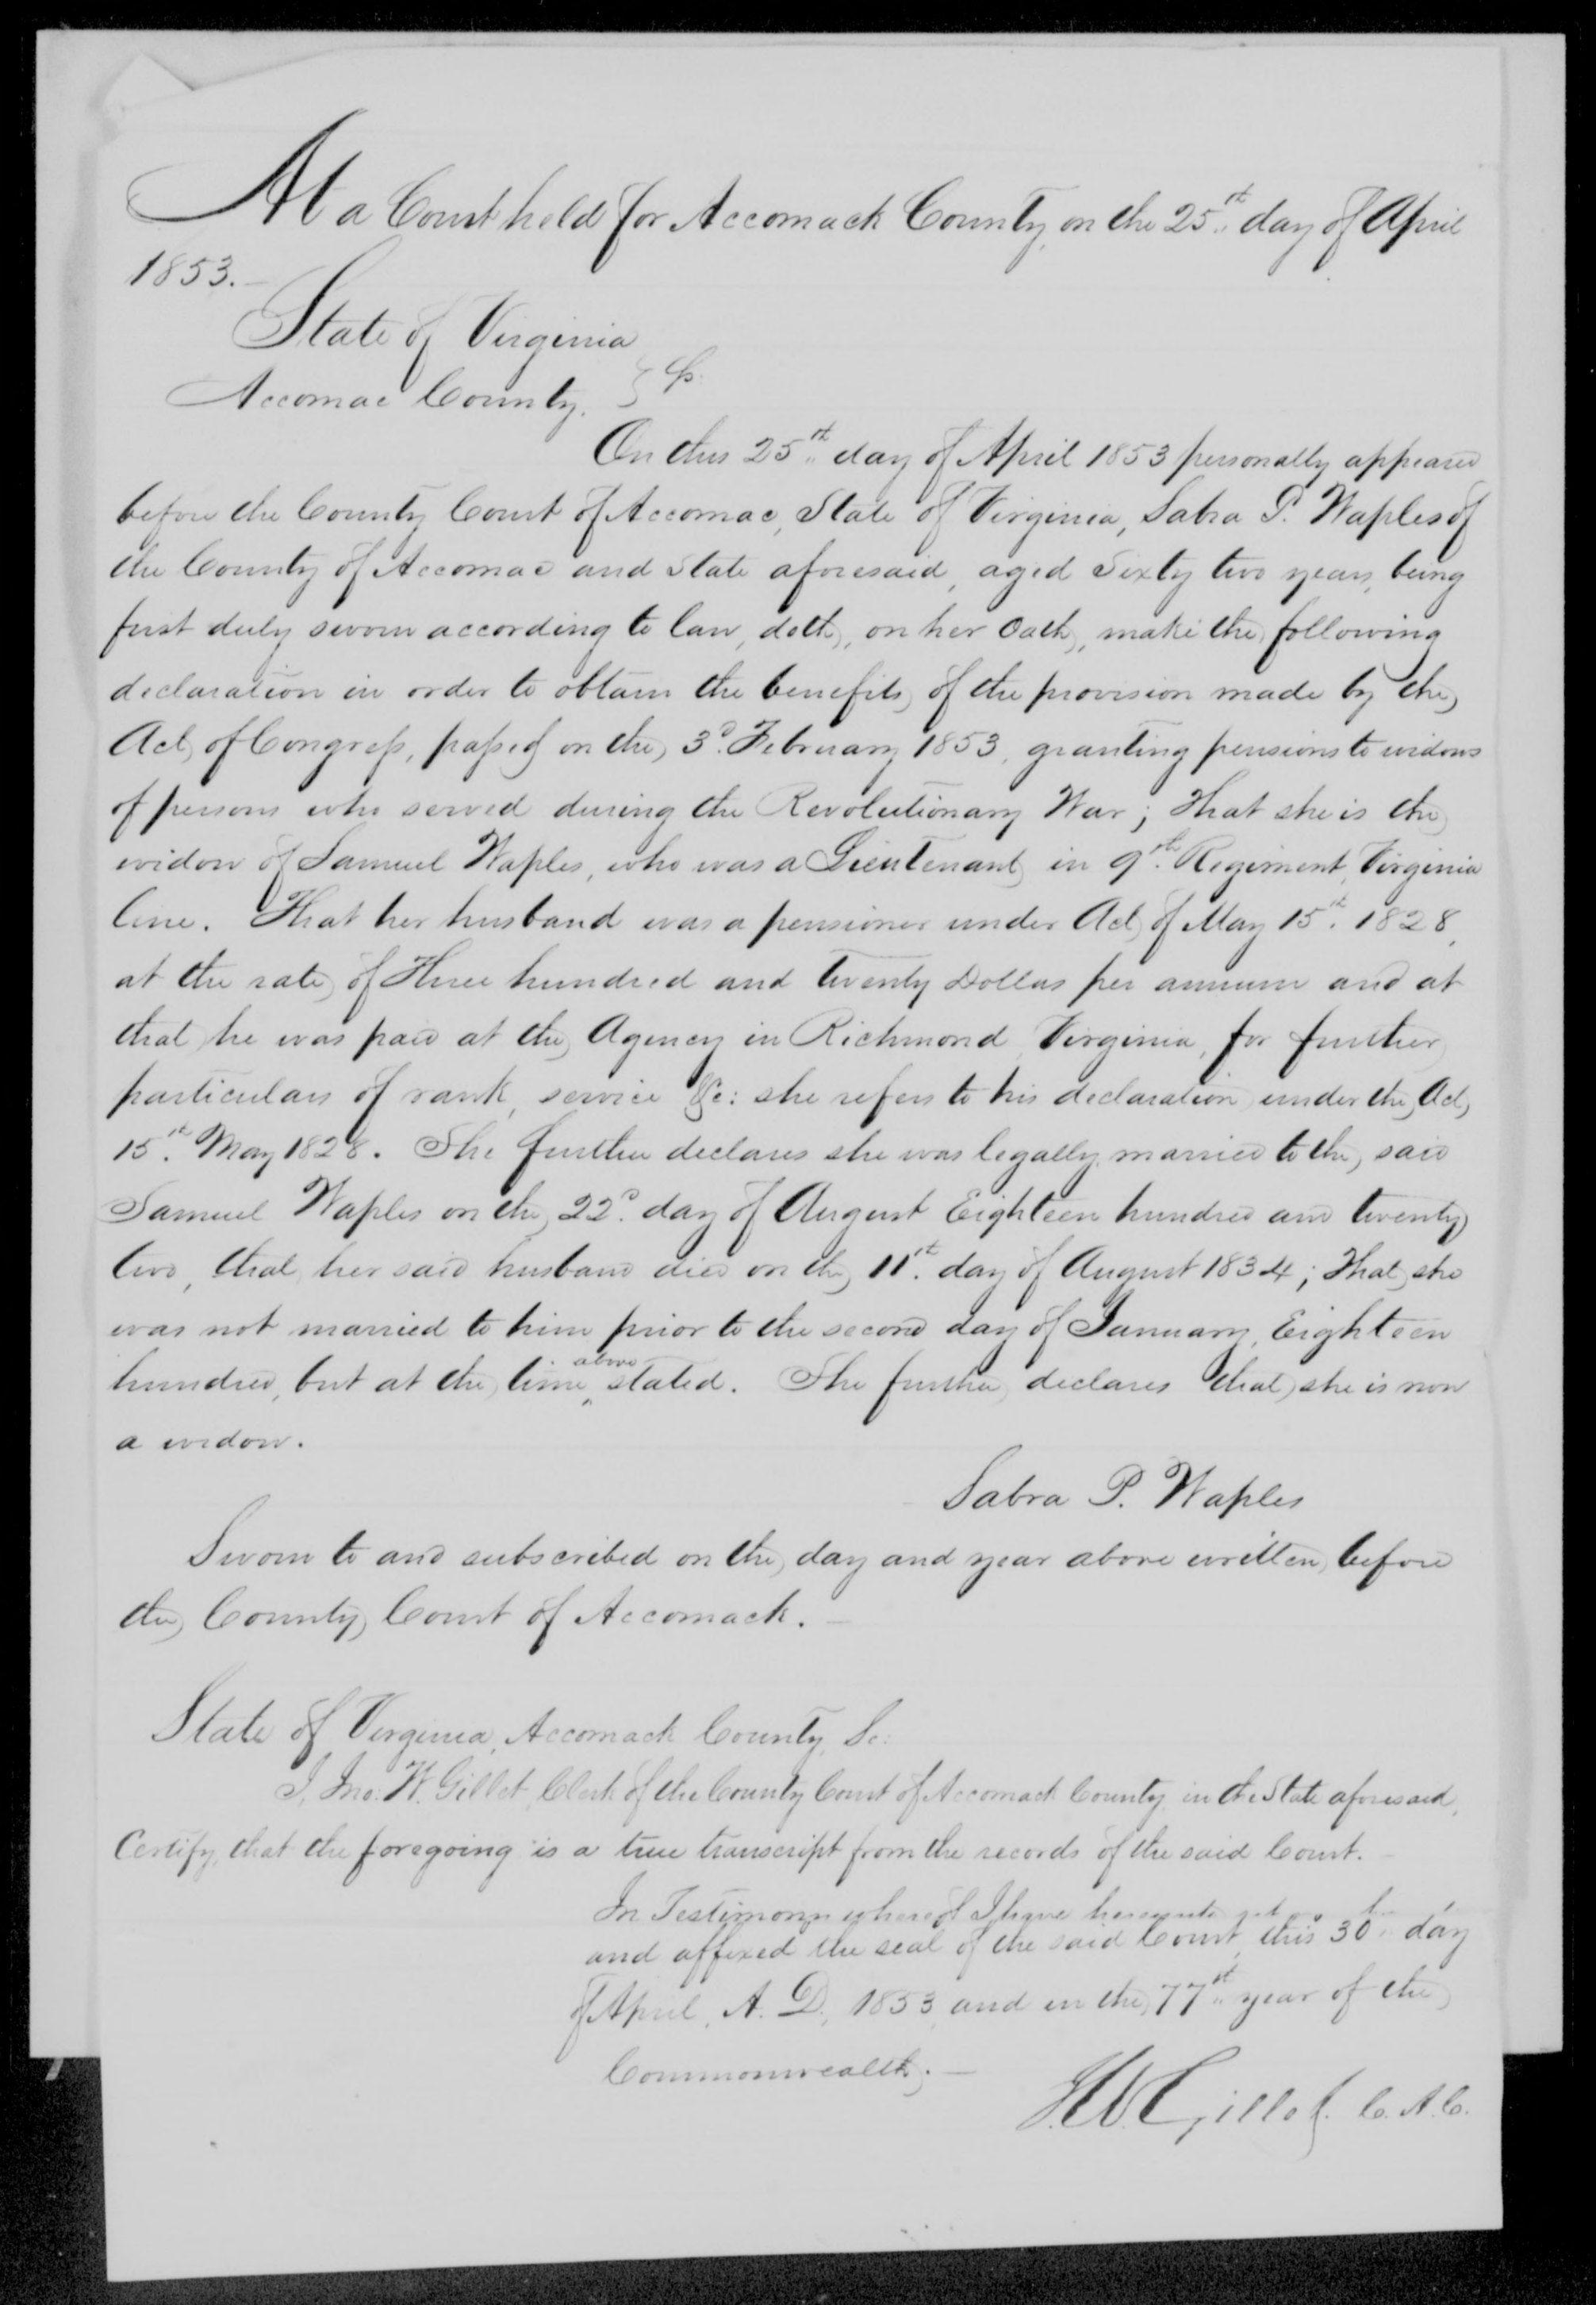At a Court held for Accomack County on the 20th day of April 1853.
State of Virginia Accomac County } ss
-
On this 25th day of April 1853 personally appeared before the County Court of Accomac, State of Virginia, Sabra P. Waples of the County of Accomac and State aforesaid, aged sixty two years, being first duly sworn according to law, doth, on her oath, make the following declaration in order to obtain the benefits of the provision made by the Act of Congress, passed on the 3d February 1853, granting pensions to widows of persons who served during the Revolutionary War; That she is the widow of Samuel Waples, who was a Lieutenant in 9th Regiment, Virginia line. That her husband was a pensioner under act of May 15th 1828 at the rate of Three hundred and twenty Dollars per annum and at that he was paid at the Agency in Richmond Virginia, for further particulars of rank, service &c. she refers to his declaration under the Act, 15th May 1828. She further declares she was legally married to the said Samuel Waples on the 22d day of August Eighteen hundred and twenty two, that her said husband died on the 11th day of August 1834; That she was not married to him prior to the second day of January, Eighteen hundred, but at the time above stated. She further declares that she is now a widow.
Sabra P. Waples

Sworn to and subscribed on the day and year above written, before the County Court of Accomack.

State of Virginia, Accomack County ss:
I, Jno. W. Gillett Clerk of the County Court of Accomack County in the State aforesaid Certify that the foregoing is a true transcript from the records of the said Court.
In Testimony whereof I have hereto set my hand and affixed the seal of the said Court this 30 day of April A.D. 1853 and in the 77th year of the Commonwealth.
J W Gillet C.A.C.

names: Samuel Waples, J W Gillet, Sabra P Waples, Samuel Waples, Sabra P Waples, Jno W Gillet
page: 5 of 59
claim: widow's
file: W. 6427, Samuel Waples, Va.